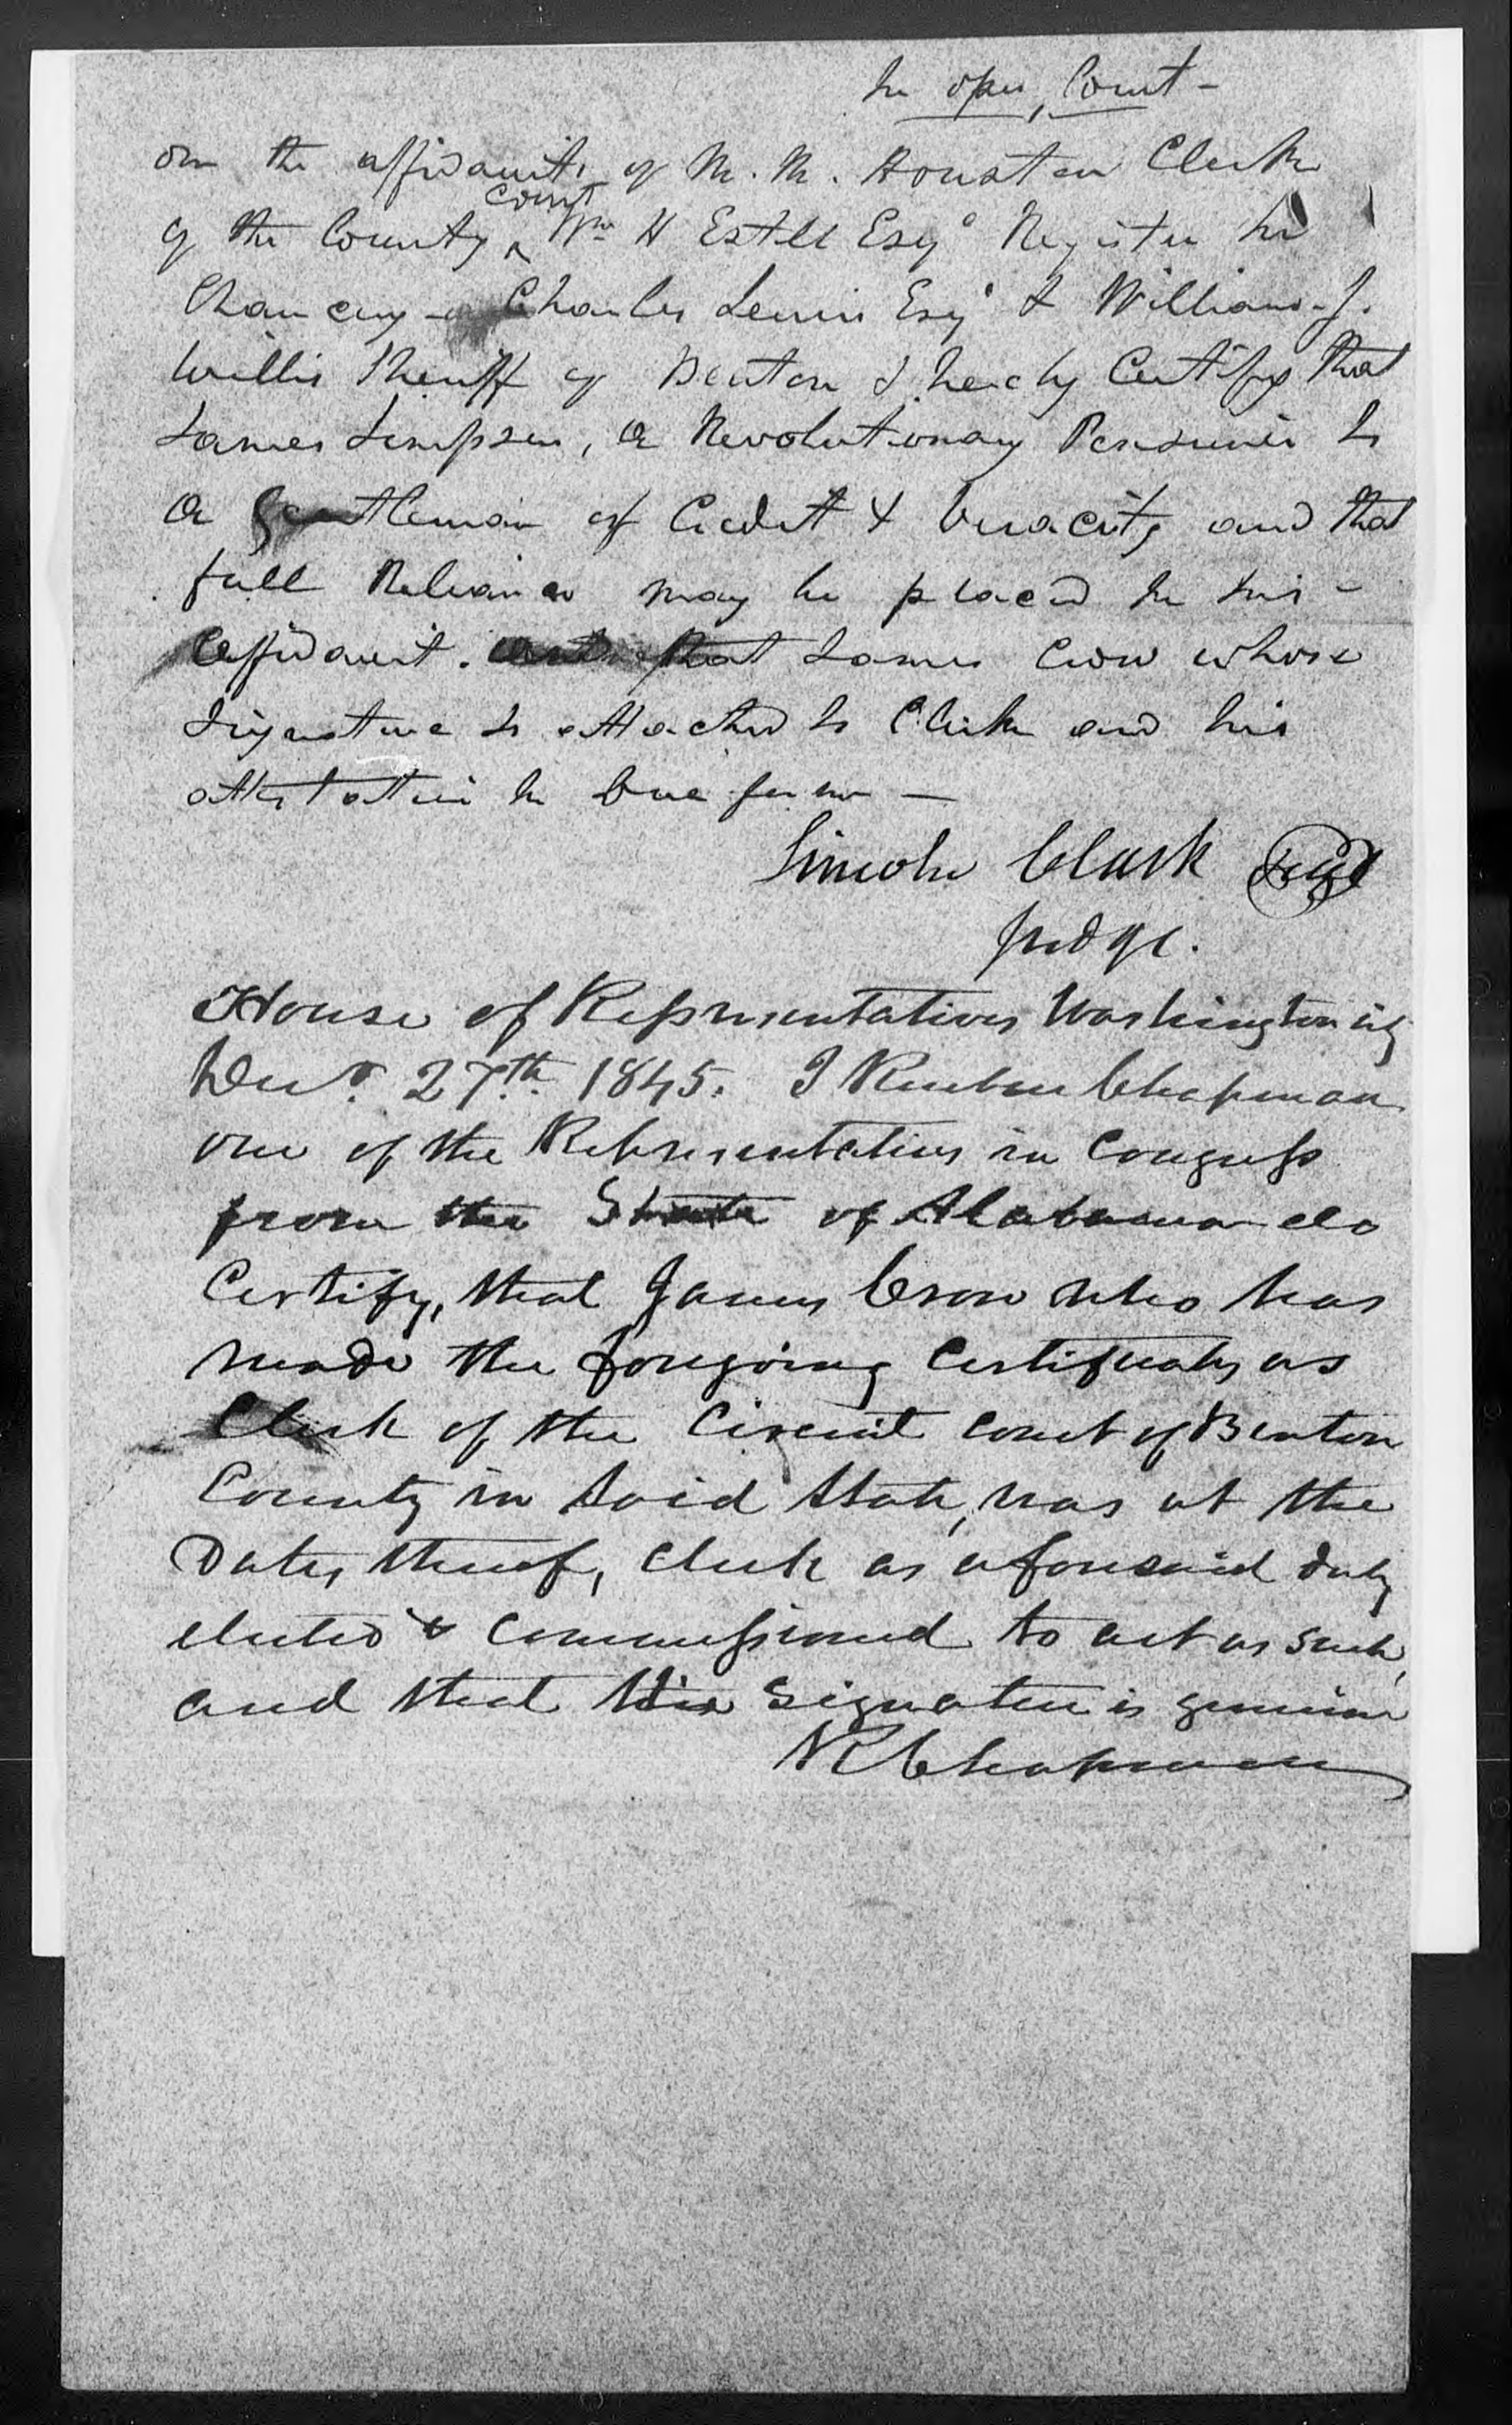In open Court
on the affidavit of M. M. Houston Clerk of the County Court W H Estell Esq Register for Chancery Charles Lewis Esq & William J Willis Sheriff of Benton I hereby certify that James Simpson, a Revolutionary Pensioner is a Gentleman of credit & veracity and that full reliance may be placed in his
affidavit. that James Crow whose signature is attached is Clerk and his attestation is in due form Lincoln Clark Judge

House of Representatives Washington City
Decr 27th 1845. 
I Reuben Chapman one of the Representatives in Congress from the State of Alabama do certify that James Crow who has made the foregoing certificates as Clerk of the Circuit Court of Benton County in said State was at the Dates therof, Clerk as aforesaid duly elected & commissioned to act as such
and that his signature is genuine
Reuben Chapman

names: William J Willis, James Crow, M M Houston, Wm H Estell, James Simpson, Lincoln Clark, James Crow, R Chapman, Charles Lewis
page: 37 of 91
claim: widow's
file: W. 10576, Francis Carlisle, S.C.